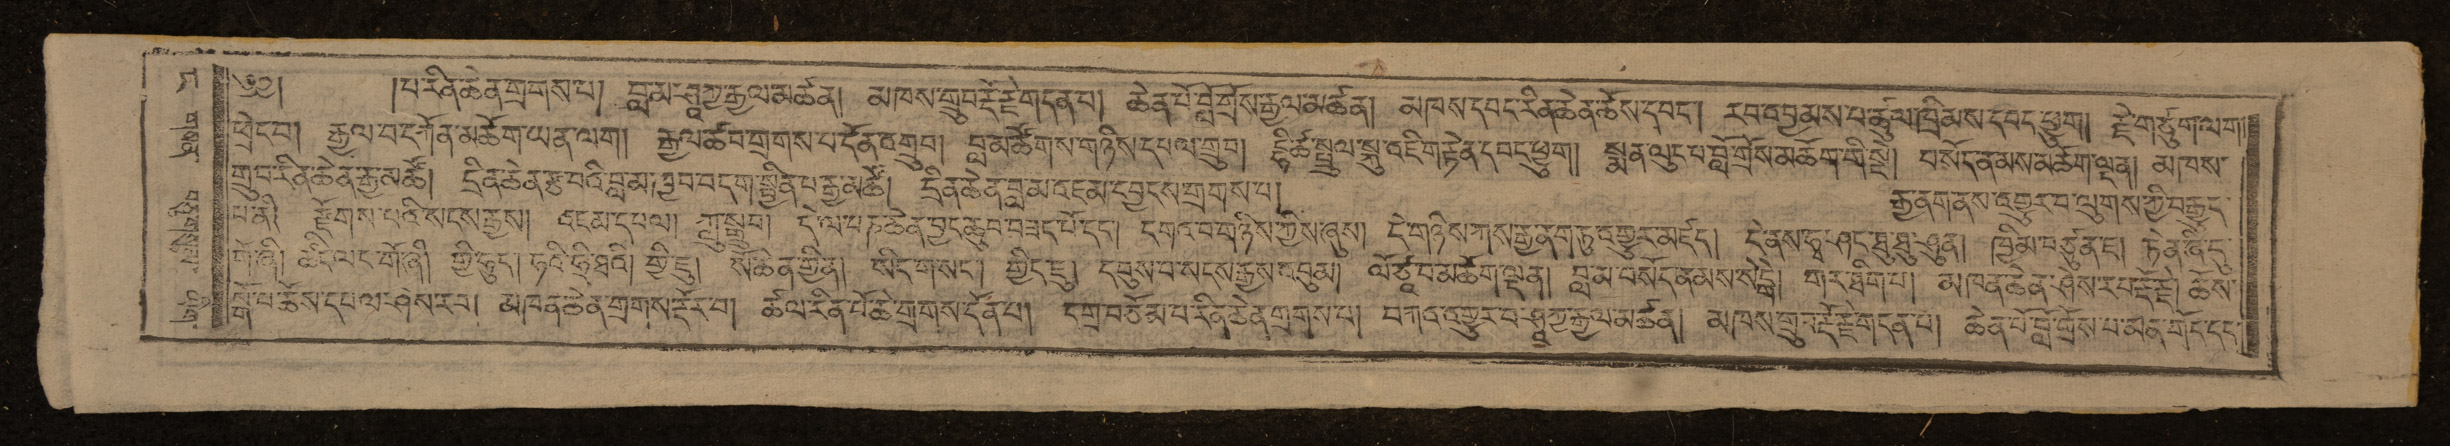༄༅། །བ་རིན་ཆེན་གྲགས་པ། བླ་མ་ཤཱཀྱ་རྒྱལ་མཚན། མཁས་གྲུབ་རྡོ་རྗེ་གདན་པ། ཆེན་པོ་བློ་གྲོས་རྒྱལ་མཚན། མཁས་དབང་རིན་ཆེན་ཆོས་དབང་། རབ་འབྱམས་པ་ཚུལ་ཁྲིམས་དབང་ཕྱུག། རྗེ་གཙུག་ལག་
ཕྲེང་བ། རྒྱལ་བ་དཀོན་མཆོག་ཡན་ལག། རྒྱལ་ཚབ་གྲགས་པ་དོན་འགྲུབ། བླ་མ་ཚོགས་གཉིས་དཔལ་གྲུབ། དྷི་ཚ་སྤྲུལ་སྐུ་འཇིག་རྟེན་དབང་ཕྱུག། སྨན་ལུང་བ་བློ་གྲོས་མཆོག་གི་སྔེ། བསོད་ནམས་མཆོག་ལྡན། མཁས་
གྲུབ་རིན་ཆེན་རྒྱ་མཚོ། དྲིན་ཆེན་རྩ་བའི་བླ་མ་ཁྱབ་བདག་སྦྱིན་བརྒྱ་མཚེ། དྲིན་ཆེན་བླ་མ་འཇམ་དབྱངས་གྲགས་པ། རྒྱ་ནག་ནས་འགྱུར་བ་ལུགས་ཀྱི་བརྒྱུད་
པ་ནི༑ རྫོགས་པའི་སངས་རྒྱས། འཇམ་དཔལ། ཀླུ་སྒྲུབ། དེ་ལ་པཎ་ཆེན་བྱང་ཆུབ་བཟང་པོ་དང་། དགའ་བ་གཉིས་ཀྱིས་ཞུས། དེ་གཉིས་ཀས་རྒྱ་ནག་ཏུ་འགྱུར་མཛད། དེ་ནས་ཧྭ་ཤང་ཐུ་ཐུ་ཤུན། ཁྱིམ་བཙུན་ཇ། ཏེན་ཞི་དུ་
གོ་ཞི། ཚིད་ལང་གོ་ཞི། གྱི་ཏུང་། ཏའི་ཧྲི་ཐའི་གྱི་ཇུ། སོ་ཆེན་གྱིན། སིང་གསང་། གྱིད་ཇུ། དབུས་བ་སངས་རྒྱས་དབུ་མ། ལོ་ཙཱ་བ་མཆོག་ལྡན། བླ་མ་བསོད་ནམས་སེངྒེ། གར་ཐིག་པ། མཁན་ཆེན་ཤེས་རབ་རབ་རྡོ་རྗེ། ཆོས་
སྒོམ་ཆོས་དཔལ་ཤས་རབ། མཁན་ཆེན་གྲལ་རྡོར་བ། ཚལ་རིན་པོ་ཆེ་གྲགས་དོན་པ། དགྲ་བཅོམ་བ་རིན་ཆེན་གྲགས་པ། བཀའ་འགྱུར་བ་ཤཱཀྱ་རྒྱལ་མཚན། མཁས་གྲུབ་རྡོ་རྗེ་གདན་པ། ཆེན་པོ་བློ་གྲོས་པ་མན་གང་?